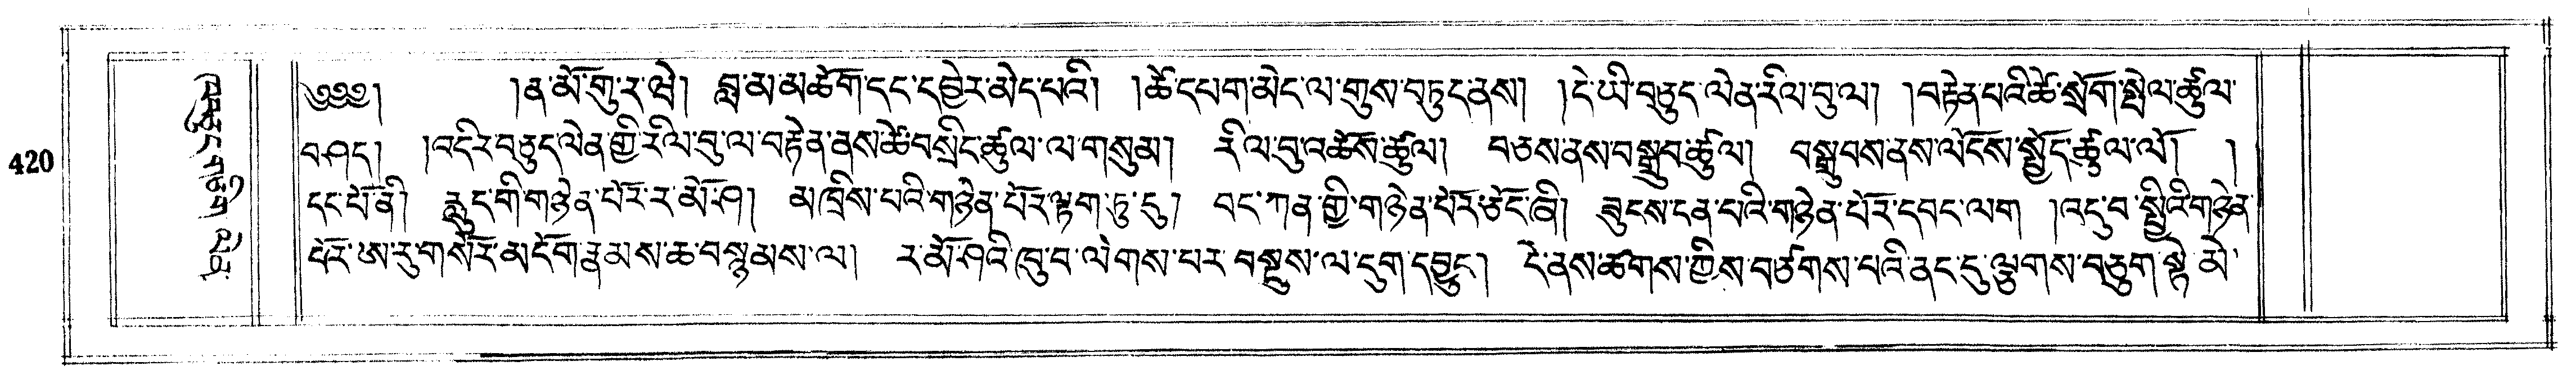༄༅༅། །ན་མོ་གུ་ར་ཝེ། བླ་མ་མཆོག་དང་དབྱེར་མེད་པའི། །ཚེ་དཔག་མེད་ལ་གུས་བཏུད་ནས། །དེ་ཡི་བཅུད་ལེན་རིལ་བུ་ལ། །བརྟེན་པའི་ཚེ་སྲོག་སྤེལ་ཚུལ་
བཤད། །འདིར་བཅུད་ལེན་གྱི་རིལ་བུ་ལ་བརྟེན་ནས་ཚེ་བསྲིང་ཚུལ་ལ་གསུམ། རིལ་བུ་འཆོས་ཚུལ། བཅས་ནས་བསྒྲུབ་ཚུལ། བསྒྲུབས་ནས་ལོངས་སྤྱོད་ཚུལ་ལོ། །
དང་པོ་ནི། རླུང་གི་གཉེན་པོར་ར་མོ་ཤ། མཁྲིས་པའི་གཉེན་པོར་ལྟག་ཏུ་དུ། བད་ཀན་གྱི་གཉེན་པོར་ཅོང་ཞི། ཟུངས་ངན་པའི་གཉེན་པོར་དབང་ལག །འདུ་བ་སྤྱིའི་གཉེན་
པོར་ཨ་རུ་གསོར་མདོག་རྣམས་ཆ་བསྙམས་ལ། ར་མོ་ཤའི་ཁུ་བ་ལེགས་པར་བསྡུས་ལ་དུག་དབྱུང་། དེ་ནས་ཚགས་ཀྱིས་བཙག་པའི་ནང་དུ་ལྕགས་བཅུག་སྟེ་མེ་